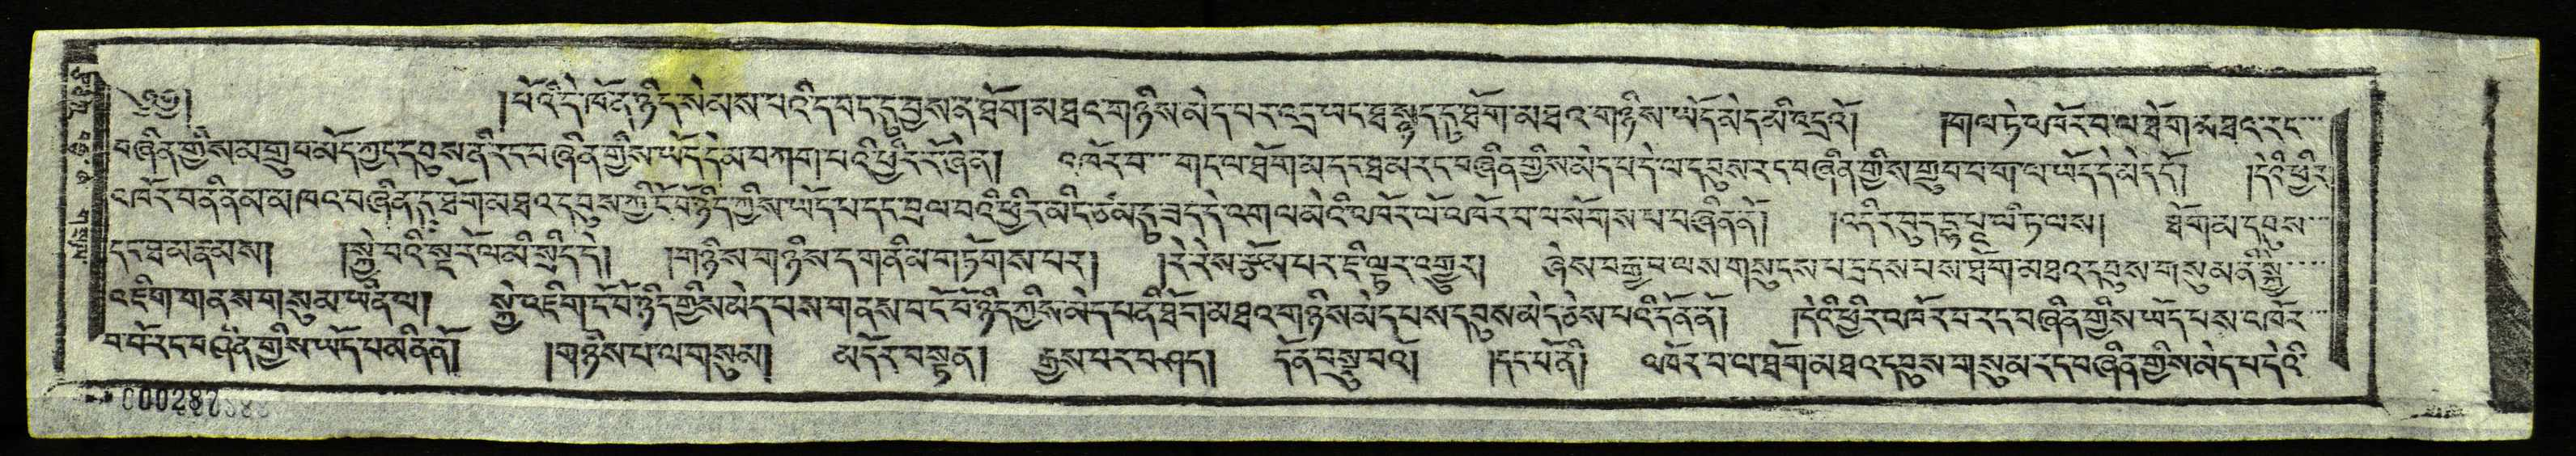༄༅། །པོའི་དེ་ཁོ་ན་ཉིད་སེམས་པའི་དབང་དུ་བྱས་ན་ཐོག་མཐའ་གཉིས་མེད་པར་འདྲ་ཡང་ཐ་སྙད་དུ་ཐོག་མཐའ་གཉིས་ཡོད་མེད་མི་འདྲའོ། །གལ་ཏེ་འཁོར་བ་ལ་ཐོག་མཐའ་རང་
བཞིན་གྱིས་མ་གྲུབ་མོད་ཀྱང་དབུས་ནི་རང་བཞིན་གྱིས་ཡོད་དེ་མ་བཀག་པའི་ཕྱིར་རོ་ཞེ་ན། འཁོར་བ་གང་ལ་ཐོག་མ་དང་ཐ་མ་རང་བཞིན་གྱིས་མེད་པ་དེ་ལ་དབུས་རང་བཞིན་གྱིས་གྲུབ་པ་ག་ལ་ཡོད་དེ་མེད་དོ། །དེའི་ཕྱིར་
འཁོར་བ་ནི་ནམ་མཁའ་བཞིན་དུ་ཐོག་མཐའ་དབུས་ཀྱི་ངོ་བོ་ཉིད་ཀྱིས་ཡོད་པ་དང་བྲལ་བའི་ཕྱིར་མིང་ཙམ་དུ་ཟད་དེ་འགལ་མེའི་འཁོར་ལོ་འཁོར་བ་ལ་སོགས་པ་བཞིན་ནོ། །འདིར་བུད་དྷ་པཱ་ལི་ཏ་ལས། ཐོག་མ་དབུས་
དང་ཐ་མ་རྣམས། །སྐྱེ་བའི་སྔ་རོལ་མི་སྲིད་དེ། །གཉིས་གཉིས་དག་ནི་མ་གཏོགས་བར། །རེ་རེས་རྩོམ་པར་ཇི་ལྟར་འགྱུར། ཞེས་བརྒྱ་བ་ལས་གསུངས་པ་དྲངས་པས་ཐོག་མཐའ་དབུས་གསུམ་ནི་སྐྱེ་
འཇིག་གནས་གསུམ་ཡིན་ལ། སྐྱེ་འཇིག་ངོ་བོ་ཉིད་གྱིས་མེད་པས་གནས་པ་ངོ་བོ་ཉིད་ཀྱིས་མེད་པ་ནི་ཐོག་མཐའ་གཉིས་མེད་པས་དབུས་མེད་ཅེས་པའི་དོན་ནོ། །དེའི་ཕྱིར་འཁོར་བ་རང་བཞིན་གྱིས་ཡོད་པས་འཁོར་
བ་པོ་རང་བཞིན་གྱིས་ཡོད་པ་མིན་ནོ། །གཉིས་པ་ལ་གསུམ། མདོར་བསྟན། རྒྱས་པར་བཤད། དོན་བསྡུ་བའོ། །དང་པོ་ནི། འཁོར་བ་ལ་ཐོག་མཐའ་དབུས་གསུམ་རང་བཞིན་གྱིས་མེད་པ་དེའི་